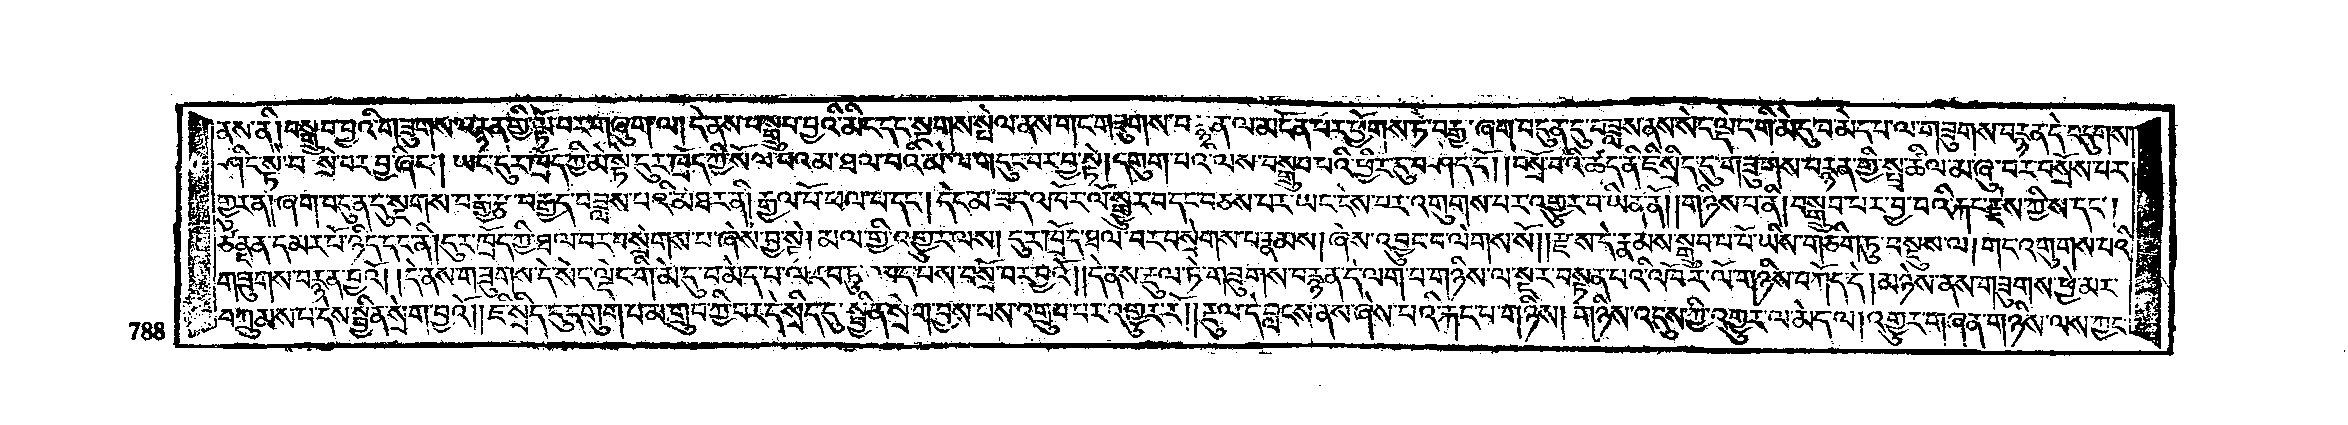ནས་ནི། བསྒྲུབ་བྱའི་གཟུགས་བརྙན་གྱི་ལྟོ་བར་གཞུག་ལ། དེ་ནས་བསྒྲུབ་བྱའི་མིང་དང་སྔགས་སྤེལ་ནས་གང་གཟུགས་བརྙན་ལ་མངོན་པར་ཕྱོགས་ཏེ་བརྒྱ་ཞག་བདུན་དུ་བཟླས་ནས་སེང་ལྡེང་གི་མེ་དུ་བ་མེད་པ་ལ་གཟུགས་བརྙན་དེ་བདུགས་
ཤིང་སྟེ་བསྲེ་བར་བྱ་ཞིང་། ཡང་དུར་ཁྲོད་ཀྱི་མེ་སྟེ་དུར་ཁྲོད་ཀྱི་སོལ་བའམ་ཐལ་བའི་མེ་ལ་གདུང་བར་བྱ་སྟེ། དགུག་པའི་ལས་བསྒྲུབ་པའི་ཕྱིར་དུ་བཤད་དོ། །བསྲོ་བའི་ཚད་ནི་ཇི་སྲིད་དུ་གཟུགས་བརྙན་གྱི་སྤྲ་ཚིལ་མ་ཞུ་བར་བསྲོས་པར་
གྱུར་ན། ཞག་བདུན་དུ་སྔགས་བརྒྱ་རྩ་བརྒྱད་བཟླས་པའི་མཐར་ནི། རྒྱལ་པོ་ཕལ་པ་དང་། དེར་མ་ཟད་འཁོར་ལོ་སྒྱུར་བ་དང་བཅས་པར་ཡང་ངེས་པར་འགུགས་པར་འགྱུར་བ་ཡིན་ནོ། །གཉིས་པ་ནི། བསྒྲུབ་པར་བྱ་བའི་རྐང་རྗེས་ཀྱི་ས་དང་།
ཙནྡན་དམར་པོ་ཉིད་དང་ནི། དུར་ཁྲོད་ཀྱི་ཐལ་བར་བསྲེགས་པ་ཞེས་བྱ་སྟེ། མལ་གྱི་འགྱུར་ལས། དུར་ཁྲོད་ཐལ་བར་བསྲེགས་པ་རྣམས། ཞེས་འབྱུང་བ་ལེགས་སོ། །རྫས་དེ་རྣམས་སྒྲུབ་པ་པོ་ཡིས་གཅིག་ཏུ་བསྡུས་ལ། གང་འགུགས་པའི་
གཟུགས་བརྙན་བྱའོ། །དེ་ནས་གཟུགས་དེ་སེང་ལྡེང་གི་མེ་དུ་བ་མེད་པ་ལ་རབ་ཏུ་འབད་པས་བསྲོ་བར་བྱའོ། །དེ་ནས་རྡུལ་ཏེ་གཟུགས་བརྙན་དེ་ལག་པ་གཉིས་ལ་སྔར་བསྟན་པའི་འཁོར་ལོ་གཉིས་བཀོད་དེ། མཉེས་ནས་གཟུགས་ཕྱེ་མར་
བཀྲུམས་པ་དེས་སྦྱིན་སྲེག་བྱའོ། །ཇི་སྲིད་དུ་དགུག་པ་མ་གྲུབ་ཀྱི་བར་དེ་སྲིད་དུ་སྦྱིན་སྲེག་བྱས་པས་འགྲུབ་པར་འགྱུར་རོ། །རྡུལ་དེ་བླངས་ནས་ཞེས་པའི་རྐང་པ་གཉིས། གཉིས་འདུས་ཀྱི་འགྱུར་ལ་མེད་ལ། འགྱུར་གཞན་གཉིས་ལས་ཀྱང་